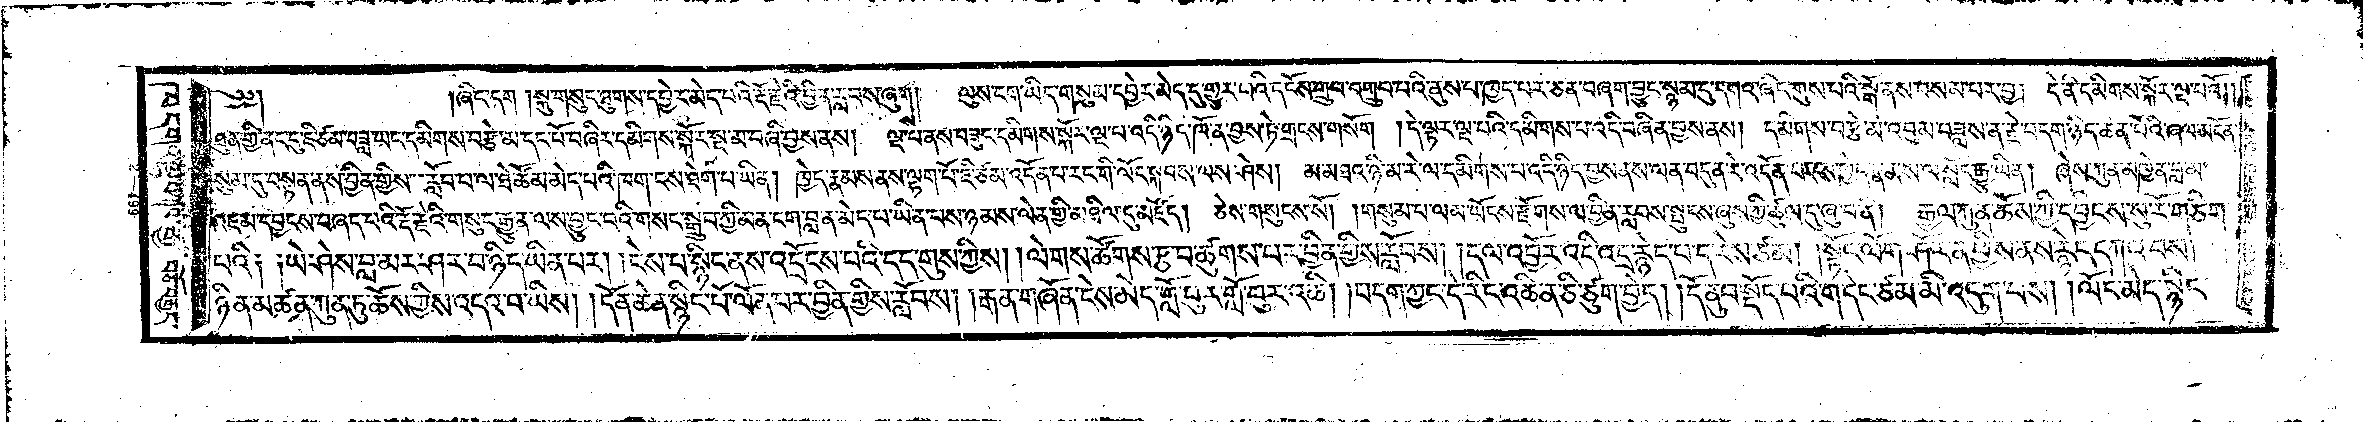༄༅། །ཞིང་དག །སྐུ་གསུང་ཐུགས་དབྱེར་མེད་པའི་རྡོ་རྗེའི་བྱིན་རླབས་ཞུག། ལུས་ངག་ཡིད་གསུམ་དབྱེར་མེད་དུ་གྱུར་པའི་དངོས་གྲུབ་འགྲུབ་པའི་ནུས་པ་ཁྱད་པར་ཅན་བཞག་བྱུང་སྙམ་དུ་དགའ་ཞིང་གྲུས་པའི་སྒོ་ནས་བསམ་པར་བྱ། དེ་ནི་དམིགས་སྐོར་ལྔ་པའོ། །
ཐུན་གྱི་ནང་དུ་ཇི་ཙམ་བཟླ་ཡང་དམིགས་བརྩེ་མ་དང་པོ་བཞིར་དམིགས་སྐོར་སྔ་མ་བཞི་བྱས་ནས། ལྔ་པ་ནས་བཟུང་དམིགས་སྐོར་ལྔ་པ་འདི་ཉིད་ཁོ་ན་བྱས་ཏེ་གྲངས་གསོག །དེ་ལྟར་ལྔ་པའི་དམིགས་པ་འདི་བཞིན་བྱས་ནས། དམིགས་བརྩེ་མ་འབུམ་བཟླས་ན་རྗེ་བདག་ཉིད་ཆེན་པོའི་ཞལ་མངོན་
སུམ་དུ་བསྟན་ནས་བྱིན་གྱིས་རློབ་བ་ལ་ཐེ་ཚོམ་མེད་པའི་ཁག་ངས་ཐེག་པ་ཡིན། ཁྱེད་རྣམས་ནས་ལྷག་པོ་ཇི་ཙམ་འདོན་པ་རང་གི་ལོང་སྐབས་ལས་ཤེས། མ་མཐའ་ཉི་མ་རེ་ལ་དམིགས་པ་འདི་ཉིད་བྱས་ནས་ལན་བདུན་རི་འདོན་པ་རངས་ཁྱེད་རྣམས་ལ་སློང་རྒྱུ་ཡིན། ཞེས་ཀུན་མཁྱེན་བླ་མ་
འཇམ་དབྱངས་བཞད་པའི་རྡོ་རྗེའི་གསུང་རྒྱུན་ལས་བྱུང་བའི་གསང་སྒྲུབ་ཀྱི་མན་ངག་བླ་ན་མེད་པ་ཡིན་པས་ཉམས་ལེན་གྱི་མཐིལ་དུ་མཛོད། ཅེས་གསུངས་སོ། །གསུམ་པ་ལམ་ཡོངས་རྫོགས་ལ་བྱིན་རླབས་སྤུངས་ཞུས་ཀྱི་ཚུལ་དུ་ཞུ་བ་ནི། རྒྱལ་ཀུན་ཆོས་ཀྱི་དབྱིངས་སུ་རོ་གཅིག་
པའི༑ ༑ཡེ་ཤེས་བླ་མར་ཤར་བ་ཉིད་ཡིན་པར། །ངེས་པ་སྙིང་ནས་འདྲོངས་པའི་དད་གུས་ཀྱིས། །ལེགས་ཚོགས་རྩ་བ་ཚུགས་པར་བྱིན་གྱིས་རློབས། །དལ་འབྱོར་འདི་འདྲ་རྙེད་པ་དངོས་ཙམ། །སྟོང་ལོག་ཤོར་ན་ཕྱིས་ནས་རྙེད་དཀའ་བས། །
ཉིན་མཚན་ཀུན་ཏུ་ཆོས་ཀྱིས་འདའ་བ་ཡིས། །དོན་ཆེན་སྙིང་པོ་ལོན་པར་བྱིན་གྱིས་རློབས། །རྒན་གཞོན་ངེས་མེད་གློ་བུར་གློ་བུར་འཆི། །བདག་ཀྱང་དེ་རིང་འཆི་ན་ཅི་ཙུག་བྱེད། །དོ་ནུབ་སྡོད་པའི་གདེང་ཙམ་མི་འདུག་པས། །ལོང་མེད་སྙིང་